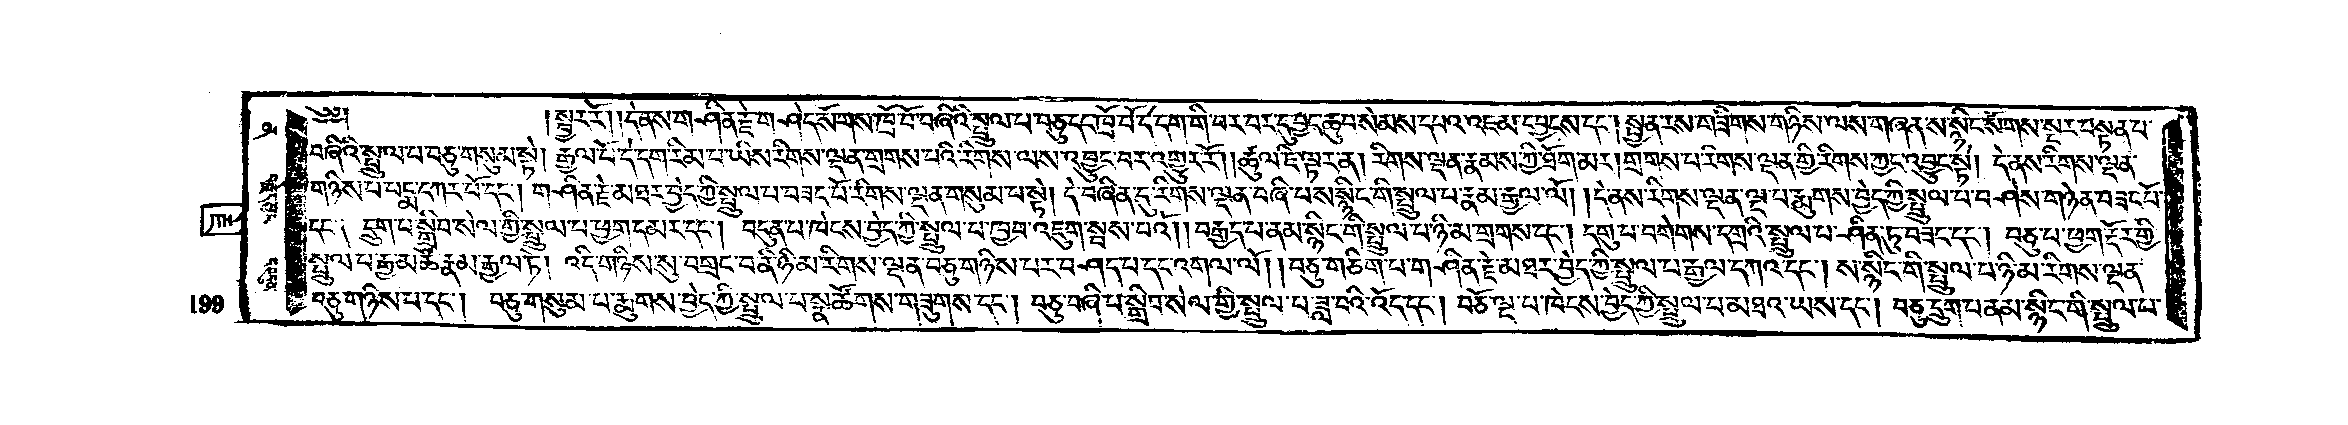༄༅། །སྦྱར་རོ། །དེ་ནས་གཤིན་རྗེ་གཤེད་སོགས་ཁྲོ་བོ་བཞིའི་སྤྲུལ་པ་བཅུ་དང་ཁྲོ་བོ་དེ་དག་གི་བར་བར་དུ་བྱང་ཆུབ་སེམས་དཔའ་འཇམ་དབྱངས་དང་། སྤྱན་རས་གཟིགས་གཉིས་ལས་གཞན་ས་སྙིང་སོགས་སྔར་བསྟན་པ་
བཞིའི་སྤྲུལ་པ་བཅུ་གསུམ་སྟེ། རྒྱལ་པོ་དེ་དག་རིམ་པ་ཡིས་རིགས་ལྡན་གྲགས་པའི་རིགས་ལས་འབྱུང་བར་འགྱུར་རོ། །ཚུལ་ཇི་ལྟར་ན། རིགས་ལྡན་རྣམས་ཀྱི་ཐོག་མར། གྲགས་པ་རིགས་ལྡན་གྱི་རིགས་ཀྱང་འབྱུང་སྟེ། དེ་ནས་རིགས་ལྡན་
གཉིས་པ་པདམ་དཀར་པོ་དང་། གཤིན་རྗེ་མཐར་བྱེད་ཀྱི་སྤྲུལ་པ་བཟང་པོ་རིགས་ལྡན་གསུམ་པ་སྟེ། དེ་བཞིན་དུ་རིགས་ལྡན་བཞི་པས་སྙིང་གི་སྤྲུལ་པ་རྣམ་རྒྱལ་ལོ། །དེ་ནས་རིགས་ལྡན་ལྔ་པ་རྨུགས་བྱེད་ཀྱི་སྤྲུལ་པ་བཤེས་གཉེན་བཟང་པོ་
དང་། དྲུག་པ་སྒྲིབ་སེལ་གྱི་སྤྲུལ་པ་ཕྱག་དམར་དང་། བདུན་པ་ཁེངས་བྱེད་ཀྱི་སྤྲུལ་པ་ཁྱབ་འཇུག་སྦས་པའོ། །བརྒྱད་པ་ནམ་སྙིང་གི་སྤྲུལ་པ་ཉི་མ་གྲགས་དང་། དགུ་པ་བགེགས་དགྲའི་སྤྲུལ་པ་ཤིན་ཏུ་བཟང་དང་། བཅུ་པ་ཕྱག་རྡོར་གྱི་
སྤྲུལ་པ་རྒྱ་མཚོ་རྣམ་རྒྱལ་ཏེ། འདི་གཉིས་སུ་བགྲང་བ་ནི་ཉི་མ་རིགས་ལྡན་བཅུ་གཉིས་པར་བཤད་པ་དང་འགལ་ལོ། །བཅུ་གཅིག་པ་གཤིན་རྗེ་མཐར་བྱེད་ཀྱི་སྤྲུལ་པ་རྒྱལ་དཀའ་དང་། ས་སྙིང་གི་སྤྲུལ་པ་ཉི་མ་རིགས་ལྡན་
བཅུ་གཉིས་པ་དང་། བཅུ་གསུམ་པ་རྨུགས་བྱེད་ཀྱི་སྤྲུལ་པ་སྣ་ཚོགས་གཟུགས་དང་། བཅུ་བཞི་པ་སྒྲིབ་སེལ་གྱི་སྤྲུལ་པ་ཟླ་བའི་འོད་དང་། བཅོ་ལྔ་པ་ཁེངས་བྱེད་ཀྱི་སྤྲུལ་པ་མཐའ་ཡས་དང་། བཅུ་དྲུག་པ་ནམ་སྙིང་གི་སྤྲུལ་པ་